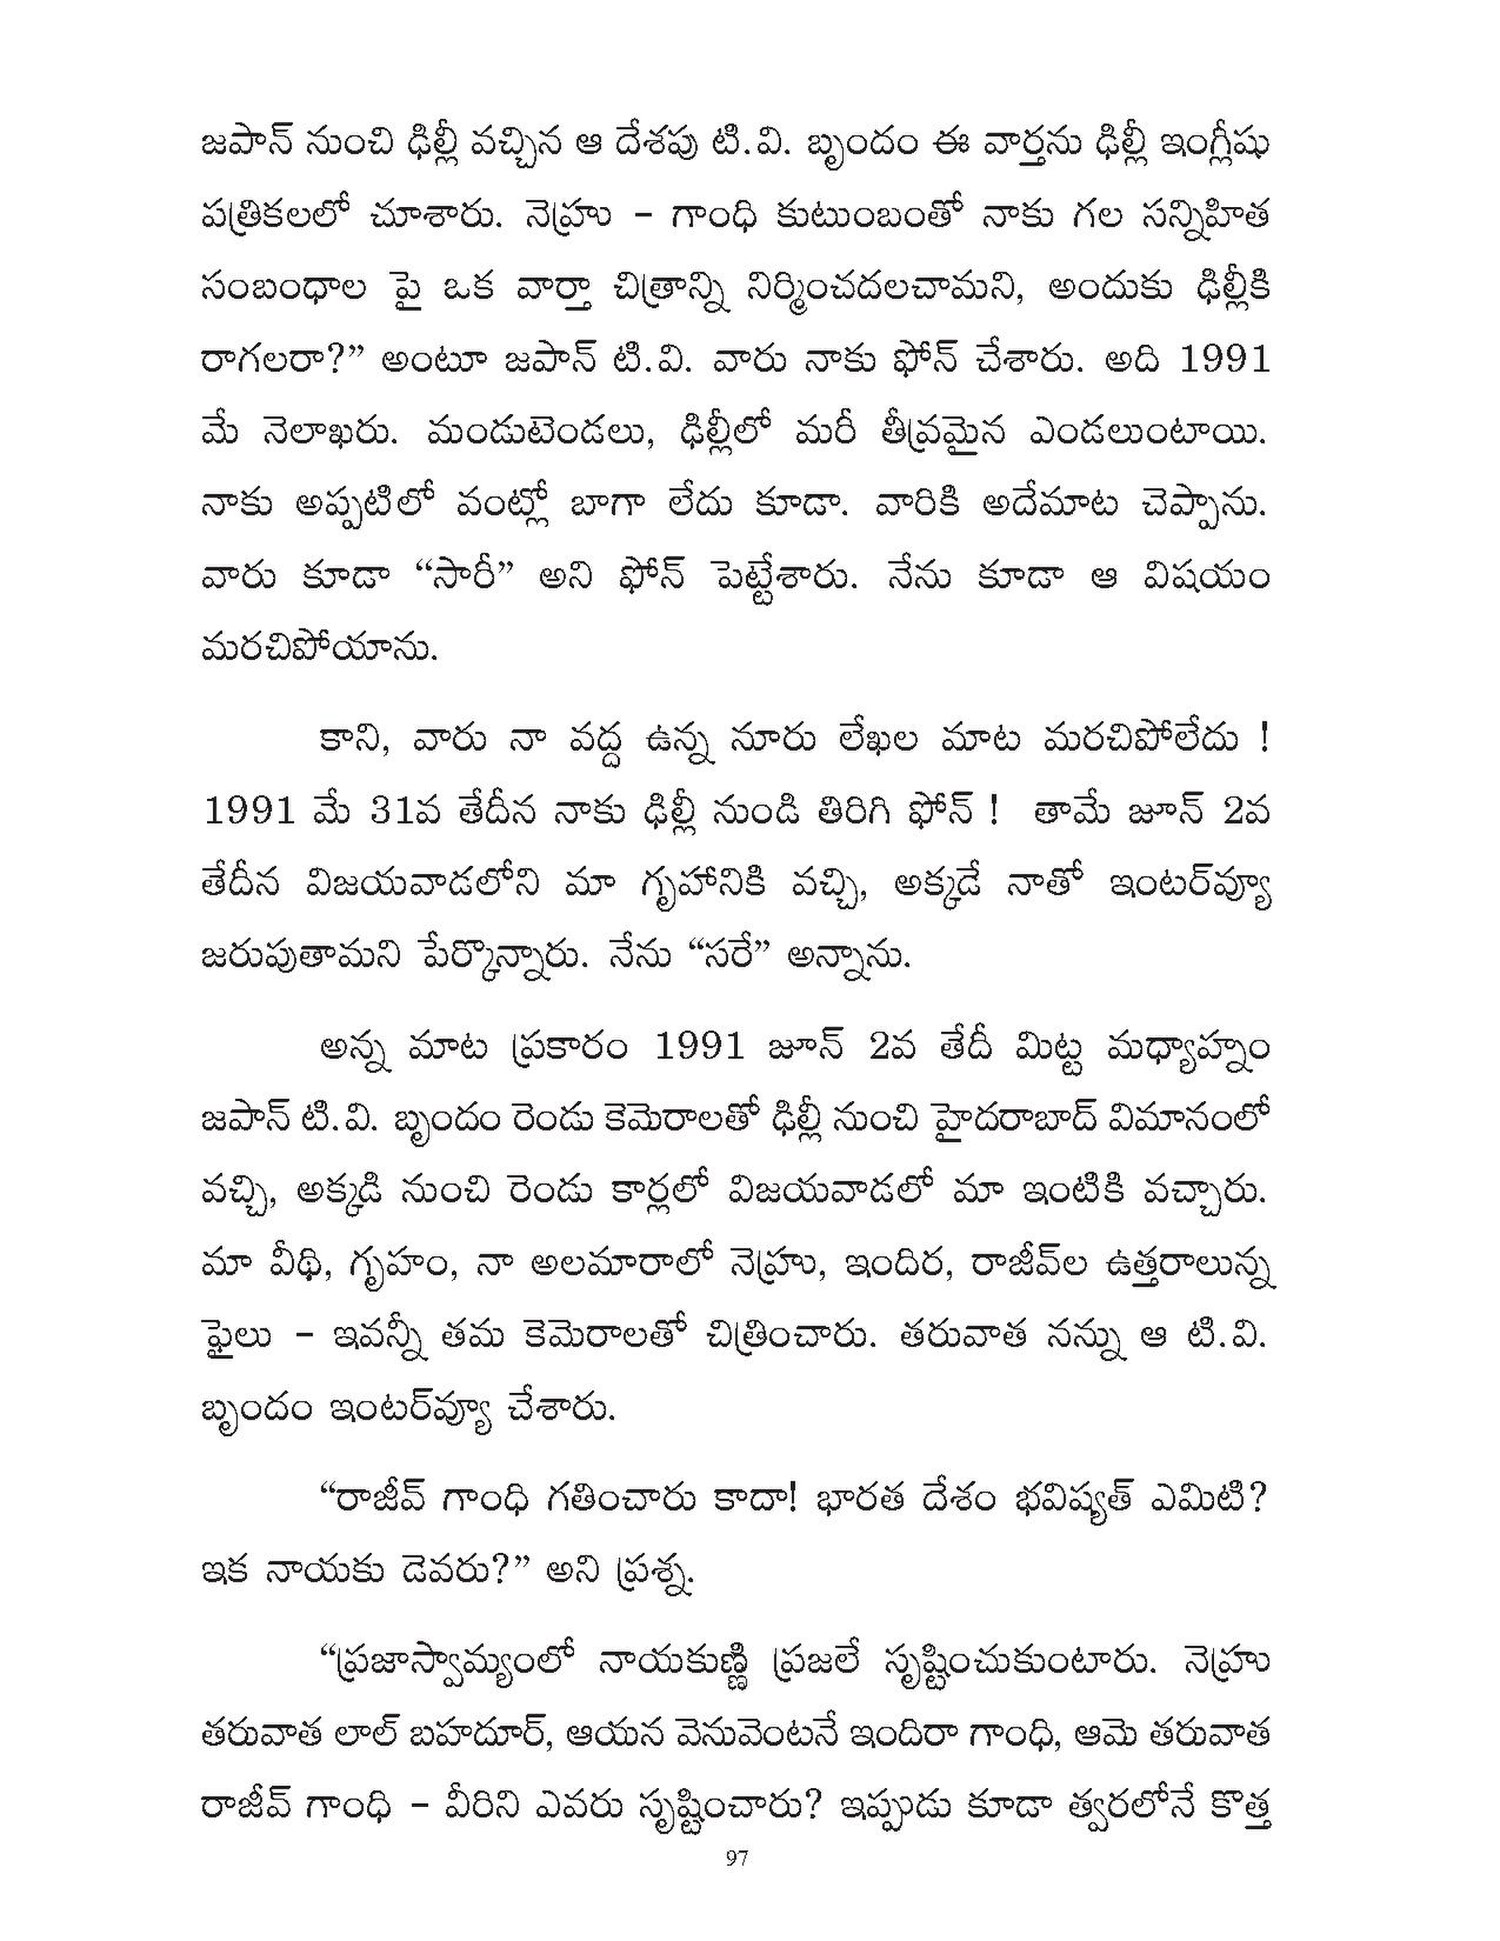జపాన్‌ నుంచి ఢిల్లీ వచ్చిన ఆ దేశపు టి.వి. బృందం ఈ వార్తను ఢిల్లీ ఇంగ్లీషు
పత్రికలలో చూశారు. నెహ్రు - గాంధి కుటుంబంతో నాకు గల సన్నిహిత
సంబంధాల పై ఒక వార్తా చిత్రాన్ని నిర్మించదలచామని, అందుకు "ఢిల్లీకి
రాగలరా?" అంటూ జపాన్‌ టి.వి. వారు నాకు ఫోన్‌ చేశారు. అది 1991
మే నెలాఖరు. మండుటెండలు, ఢిల్లీలో మరీ తీవ్రమైన ఎండలుంటాయి.
నాకు అప్పటిలో వంట్లో బాగా లేదు కూడా. వారికి అదేమాట చెప్పాను.
వారు కూడా "సారీ" అని ఫోన్‌ పెట్టేశారు. నేను కూడా ఆ విషయం
మరచిపోయాను.

కాని, వారు నా వద్ద ఉన్న నూరు లేఖల మాట మరచిపోలేదు !
1991 మే 31వ తేదీన నాకు ఢిల్లీ నుండి తిరిగి ఫోన్‌ ! తామే జూన్‌ 2వ
తేదీన విజయవాడలోని మా గృహానికి వచ్చి, అక్కడే నాతో ఇంటర్‌వ్యూ
జరుపుతామని పేర్కొన్నారు. నేను "సరే" అన్నాను.

అన్న మాట ప్రకారం 1991 జూన్‌ 2వ తేదీ మిట్ట మధ్యాహ్నం
జపాన్‌ టి.వి. బృందం రెండు కెమెరాలతో ఢిల్లీ నుంచి హైదరాబాద్‌ విమానంలో
వచ్చి, అక్కడి నుంచి రెండు కార్లలో విజయవాడలో మా ఇంటికి వచ్చారు.
మా వీథి, గృహం, నా అలమారాలో నెహ్రు, ఇందిర, రాజీవ్‌ల ఉత్తరాలున్న
ఫైలు - ఇవన్నీ తమ కెమెరాలతో చిత్రించారు. తరువాత నన్ను ఆ టి.వి.
బృందం ఇంటర్‌వ్యూ చేశారు.

"రాజీవ్‌ గాంధి గతించారు కాదా! భారత దేశం భవిష్యత్‌ ఎమిటి?
ఇక నాయకు డెవరు?" అని ప్రశ్న.

"ప్రజాస్వామ్యంలో నాయకుణ్ణి ప్రజలే సృష్టించుకుంటారు. నెహ్రు
తరువాత లాల్‌ బహదూర్‌, ఆయన వెనువెంటనే ఇందిరా గాంధి, ఆమె తరువాత
రాజీవ్‌ గాంధి - వీరిని ఎవరు సృష్టించారు? ఇప్పుడు కూడా త్వరలోనే కొత్త